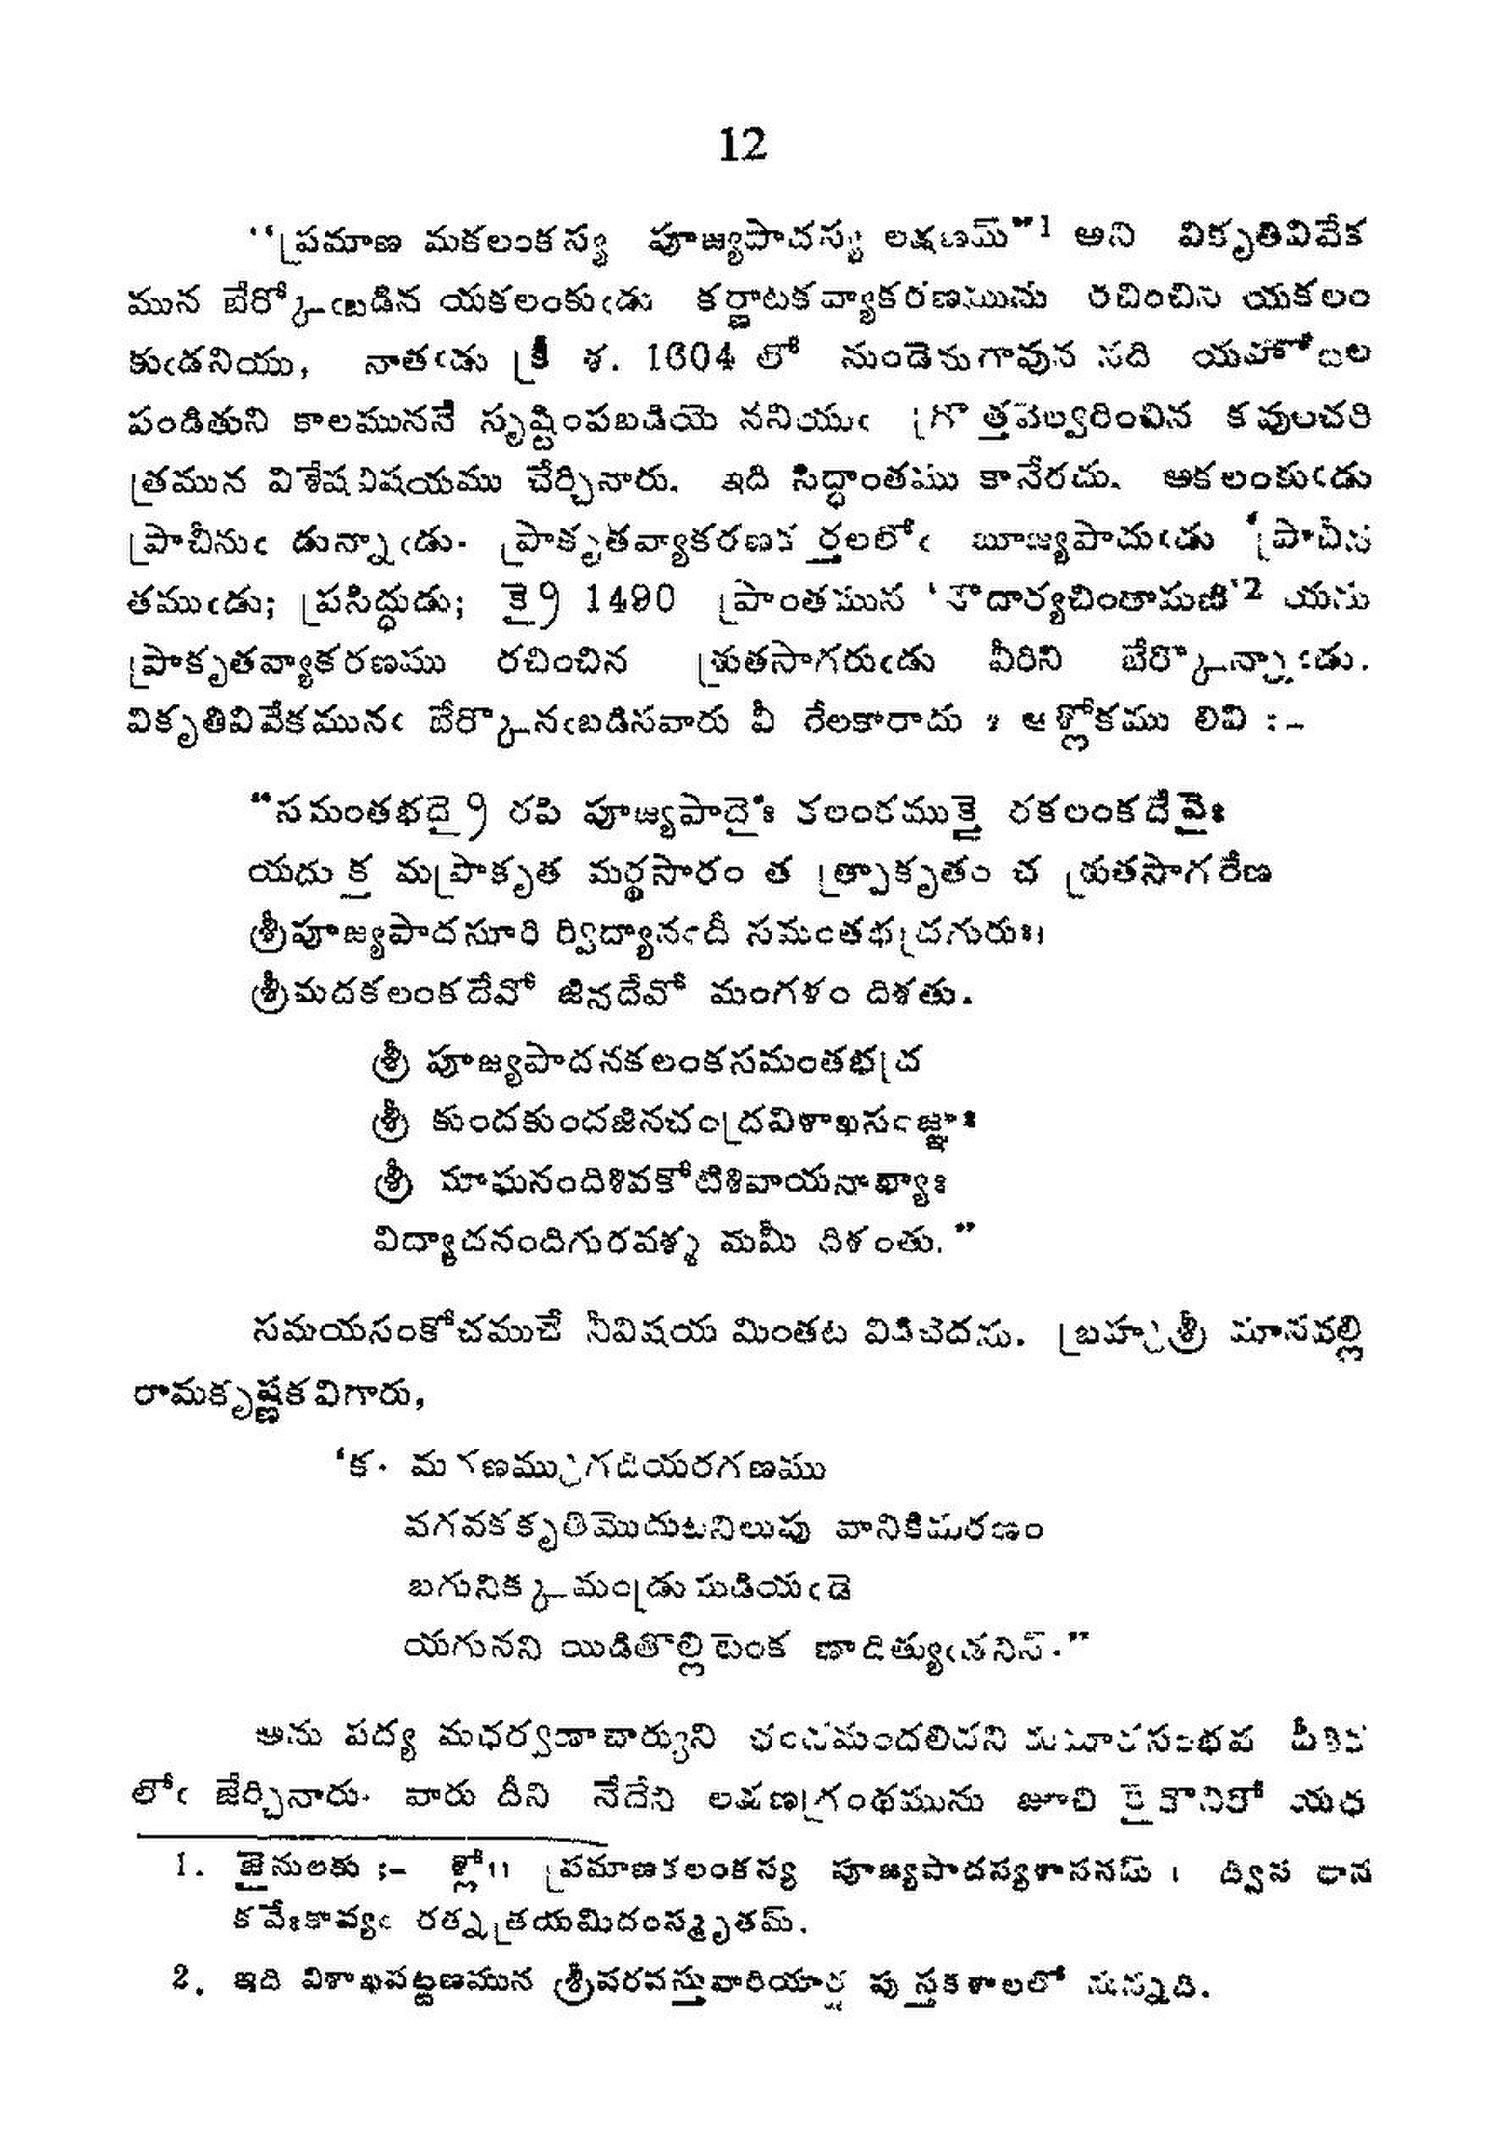"ప్రమాణ మకలంకస్య పూజ్యపాదస్య లక్షణమ్" అని వికృతివివేకమున బేర్కోఁబడిన యకలంకుఁడు కర్ణాటకవ్యాకరణమును రచించిన యకలంకుఁ డనియు, నాతఁడు క్రీ శ. 1604 లో నుండెను గావున నది యహోబలపండితుని కాలముననే సృష్టింపబడియె ననియుఁ గ్రొత్త వెల్వరించిన కవులచరిత్రమున విశేషవిషయము చేర్చినారు. ఇది సిద్ధాంతము కానేరదు. అకలంకుఁడు ప్రాచీనుఁ డున్నాడు. ప్రాకృతవ్యాకరణకర్తలలోఁ బూజ్యపాదుఁడు ప్రాచీనతముఁడు; ప్రసిద్ధుడు; క్రై 1490 ప్రాంతమున 'నౌదార్యచింతామణి' యను ప్రాకృతవ్యాకరణము రచించిన శ్రుతసాగరుఁడు వీరిని బేర్కొన్నాడు. వికృతివివేకమునఁ బేర్కొనఁబడినవారు వీ రేలకారాదు. ఆ శ్లోకము లివి:–

“సమంతభద్రై రపి పూజ్యపాదైః కలంకముక్తై రకలంకదేవైః
యదుక్త మప్రాకృత మర్థసారం త త్ప్రాకృతం చ శ్రుతసాగరేణ
శ్రీపూజ్యపాదసూరి ర్విద్యానందీ సమంతభద్రగురుః
శ్రీమదకలంకదేవో జినదేవో మంగళం దిశతు. 

శ్రీ పూజ్యపాదనకలంకసమంతభద్ర
శ్రీ కుందకుందజినచంద్రవిశాఖసంజ్ఞాః
శ్రీ మాఘనందిశివకోటిశివాయనాఖ్యాః
విద్యాచనంది గురవశ్శ మమీ దిశంతు.”  

సమయసంకోచముచే నీవిషయ మింతట విడిచెదను. బ్రహ్మశ్రీ మానవల్లి రామకృష్ణకవిగారు,

 
అను పద్య మధర్వణాచార్యుని ఛందమందలిదని కుమారసంభవ పీఠికలోఁ జేర్చినారు. వారు దీని నేదేని లక్షణగ్రంథమును జూచి కైకొనిరో యధ